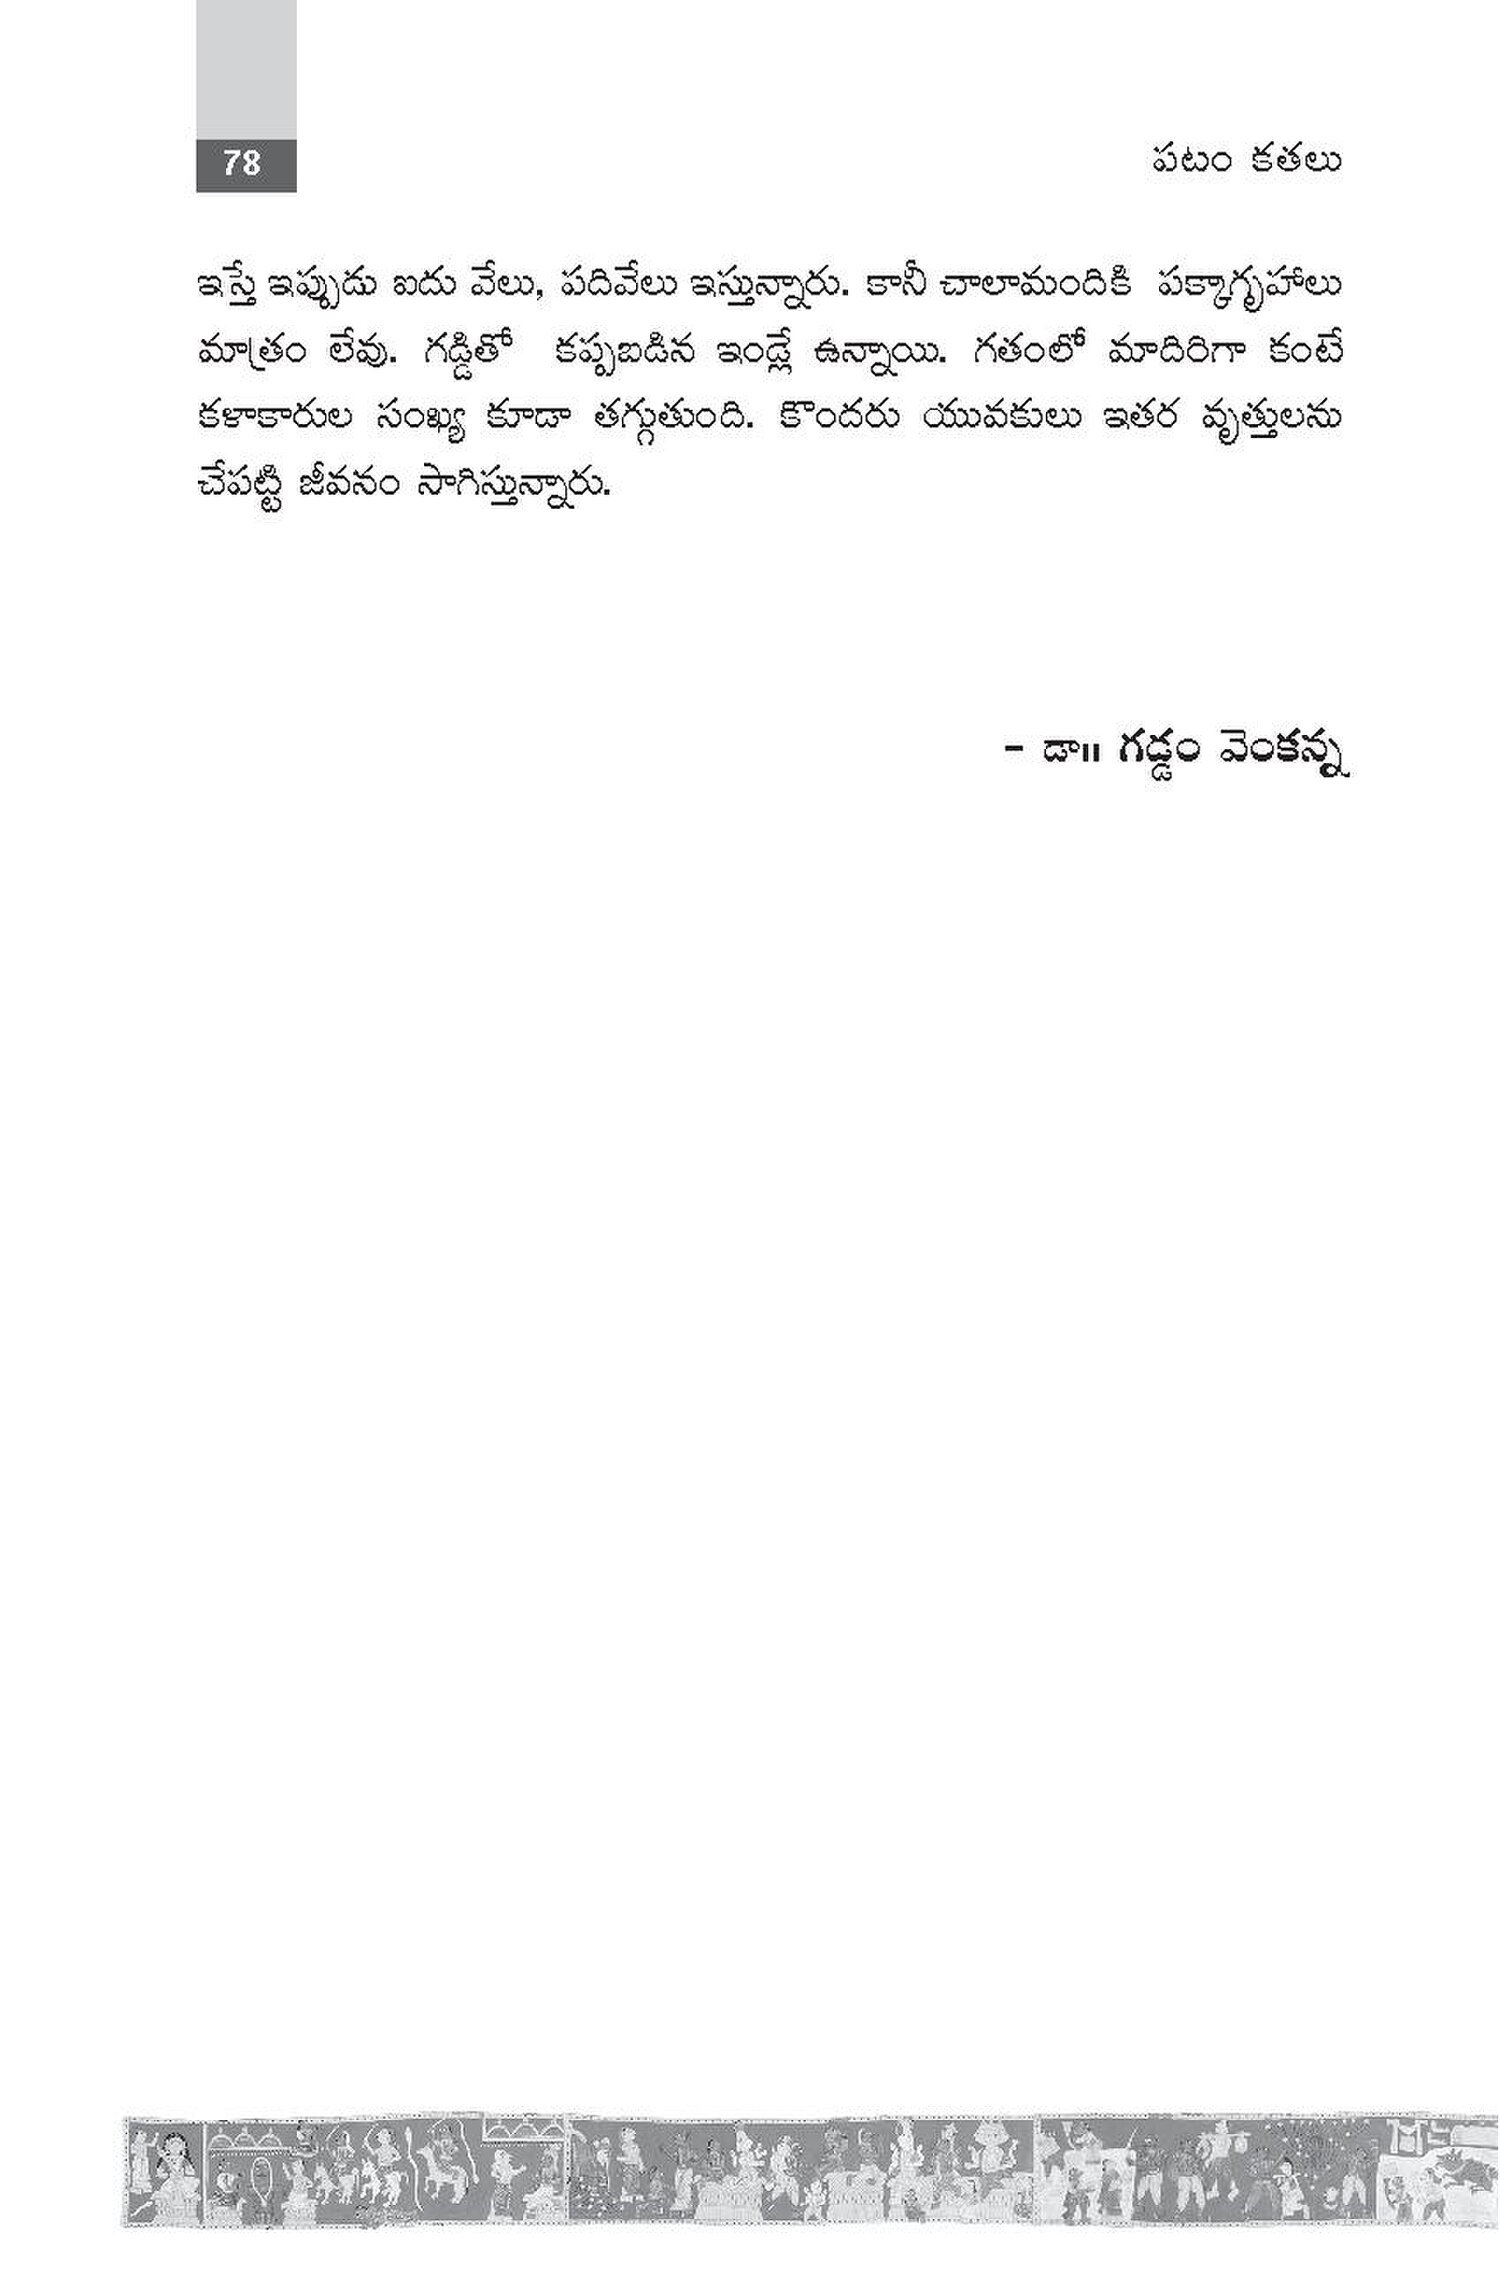ఇస్తే ఇప్పుడు ఐదు వేలు, పదివేలు ఇస్తున్నారు. కానీ చాలామందికి పక్కాగృహాలు మాత్రం లేవు. గడ్డితో కప్పబడిన ఇండ్లే ఉన్నాయి. గతంలో మాదిరిగా కంటే కళాకారుల సంఖ్య కూడా తగ్గుతుంది. కొందరు యువకులు ఇతర వృత్తులను
చేపట్టి జీవనం సాగిస్తున్నారు.